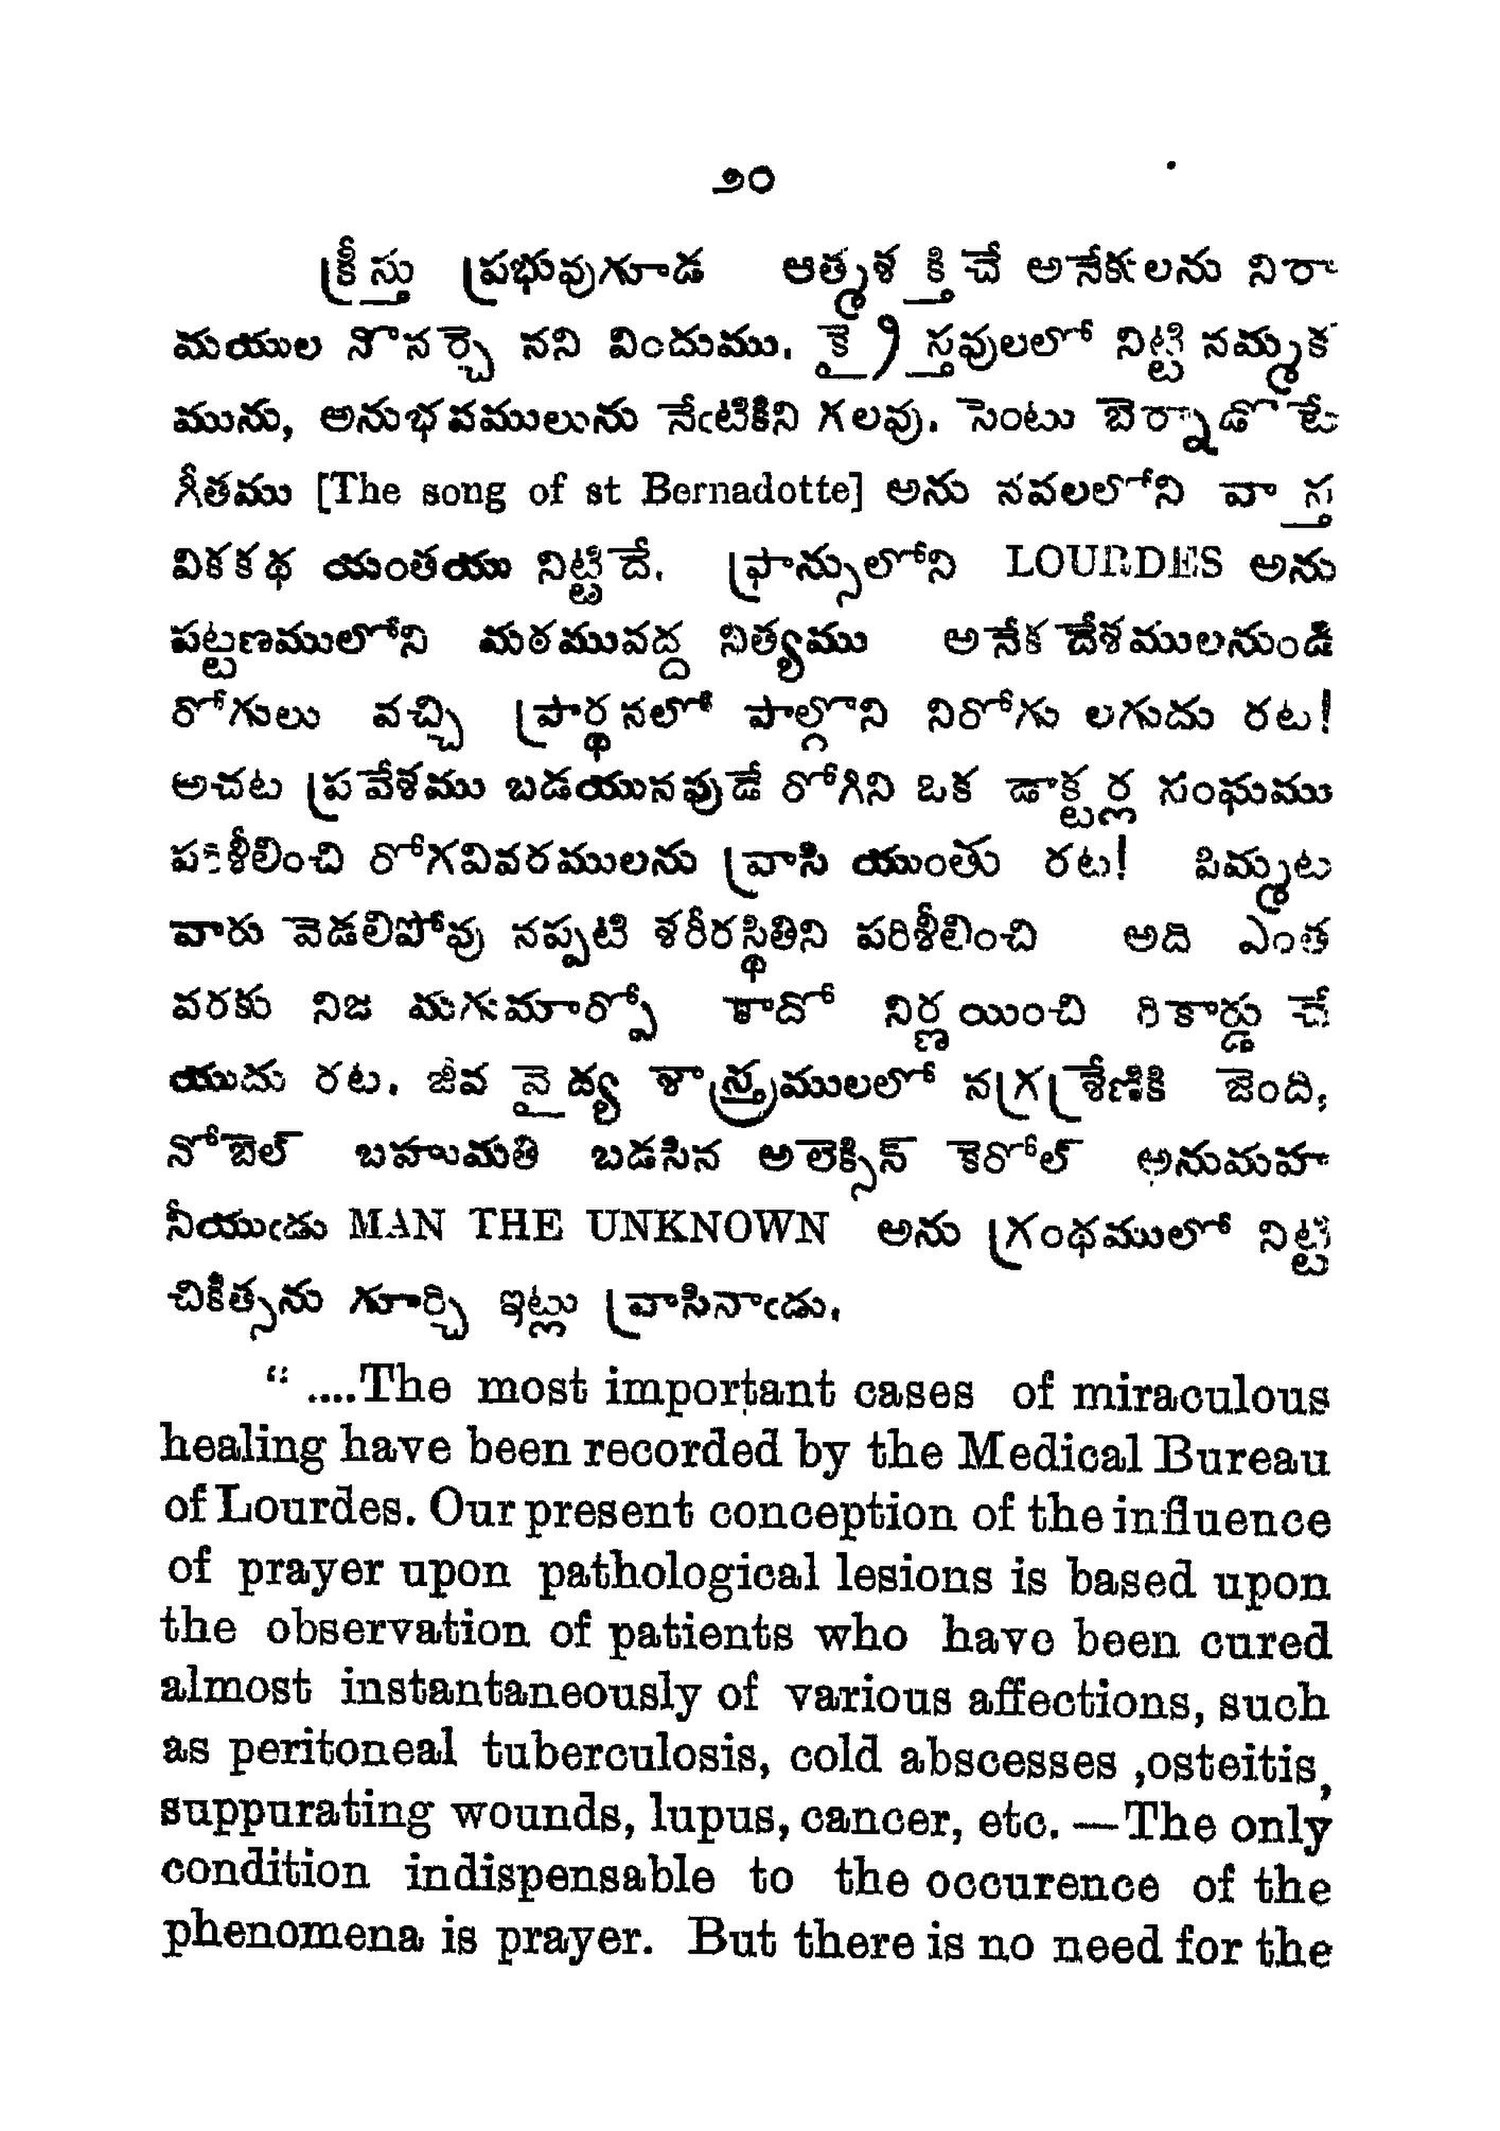క్రీస్తు ప్రభువుగూడ ఆత్మశక్తి చే అనేకులను నిరామయుల నొనర్చెనని విందుము. క్రైస్తవులలో నిట్టి నమ్మకమును, అనుభవములును నేఁటికిని గలవు. సెంటు బొర్నాడొటే గీతము (The song of st Berna dotte) అను నవలలోని వాస్తవిక కధయంతయు నిట్టిదే. ఫ్రార్సులోని LOURDES అను పట్టణములోని మఠము వద్ద నిత్యము అనేక దేశముల నుండి రోగులు వచ్చి ప్రార్దనలో పాల్గొని నిరోగు లగుదురట! అచట ప్రవేశము బడయునపుడే రోగిని ఒక డాక్టర్ల సంఘము పరిశీలించి రోగవివరములను వ్రాసి యుంతు రట! పిమ్మట వారు వెడలిపోవు నప్పటి శరీరస్ధితిని పరిశీలించి అది ఎంత వరకు నిజ మగుమార్పో కాదో నిర్ణయించి రికార్డు చేయుదు రట. జీవవైద్య శాస్త్రములలో నగ్రశ్రేణికి జెంది నోబెల్ బహుమతి బడసిన అలెక్సిస్ కెరోల్ అను మహనీయుఁడు MAN THE UNKNOWN అను గ్రంధములో నిట్టి చికిత్సను గూర్చి ఇట్లు వ్రాసినాఁడు. 

 "... The most important cases of miraculous healing have been recorded by the Medical Bureau of Lourdes. Our present cmnception of the influence of prayer upon patho logical lesions is based upon the observation of patients who have been cured almost instantaneously of various affecttons, osteites,suppurating wounds, lupus, cancer, etc- The only condition in dispensable to the occurence of the phenomena is prayer. But there is no need for the